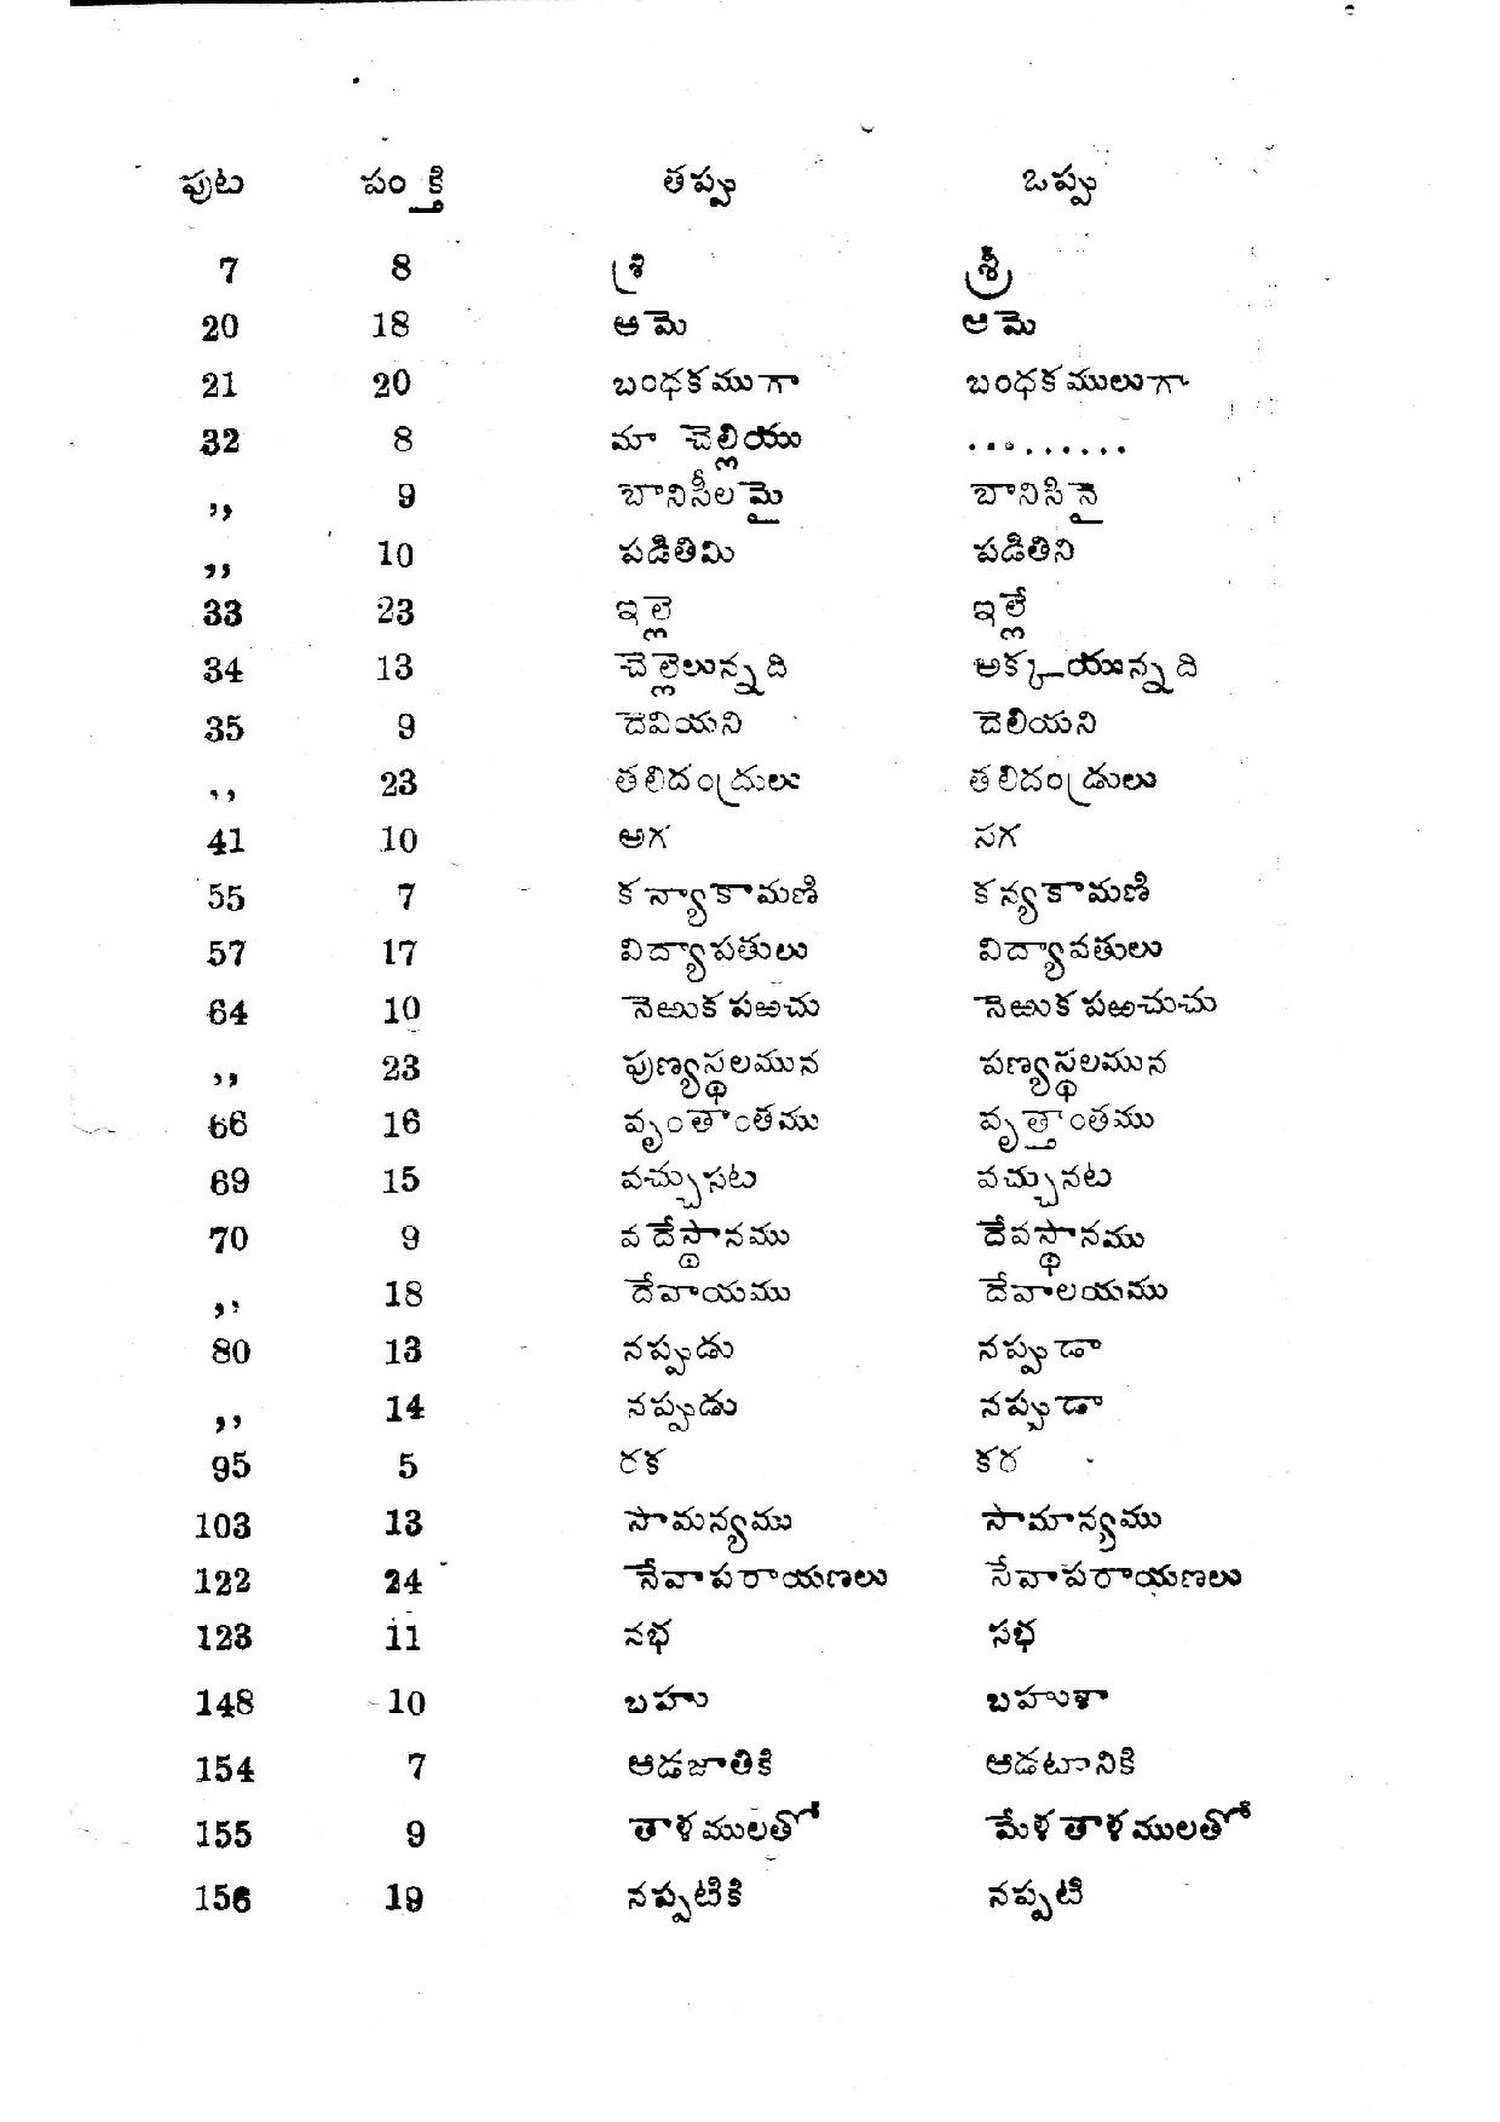పుట పంక్తి తప్పు ఒప్పు 7 8 శ్రి శ్రీ 20 18 అమె ఆమె 21 20 బంధకముగా బంధకములుగా 32 8 మా చెల్లియు ....... 32 9 బానిసీలమై బానిసినై 32 10 పడితిమి పడితిని 33 23 ఇల్లె ఇల్లే 34 13 చెల్లెలున్నది అక్కయున్నది 35 9 దెవియని దెలియని 35 23 తలిదండ్రులు తలిదండ్రులు 41 10 అగ - 55 7 కన్యాకామణి కన్యకామణి 57 17 విద్యాపతులు విద్యావతులు 64 10 నెఱుకపఱచు నెఱుకపఱచుచు 64 23 పుణ్యస్థలమున పణ్యస్థలమున 66 16 వృంతాంతము వృత్తాంతము 69 15 వచ్చుసట వచ్చునట 70 9 వదేస్థానము దేవస్థానము 70 18 దేవాయము దేవాలయము 80 13 నప్పుడు నప్పుడా 80 14 నప్పుడు నప్పుడా 95 5 రక కర 103 13 సామన్యము సామాన్యము 122 24 సేవాపరాయణలు సేనాపరాయణులు 123 11 నభ సభ 148 10 బహు బహుశా 154 7 ఆడజాతికి ఆడటానికి 155 9 తాళములతో మేళతాళములతో 156 19 నప్పటికి నప్పటి